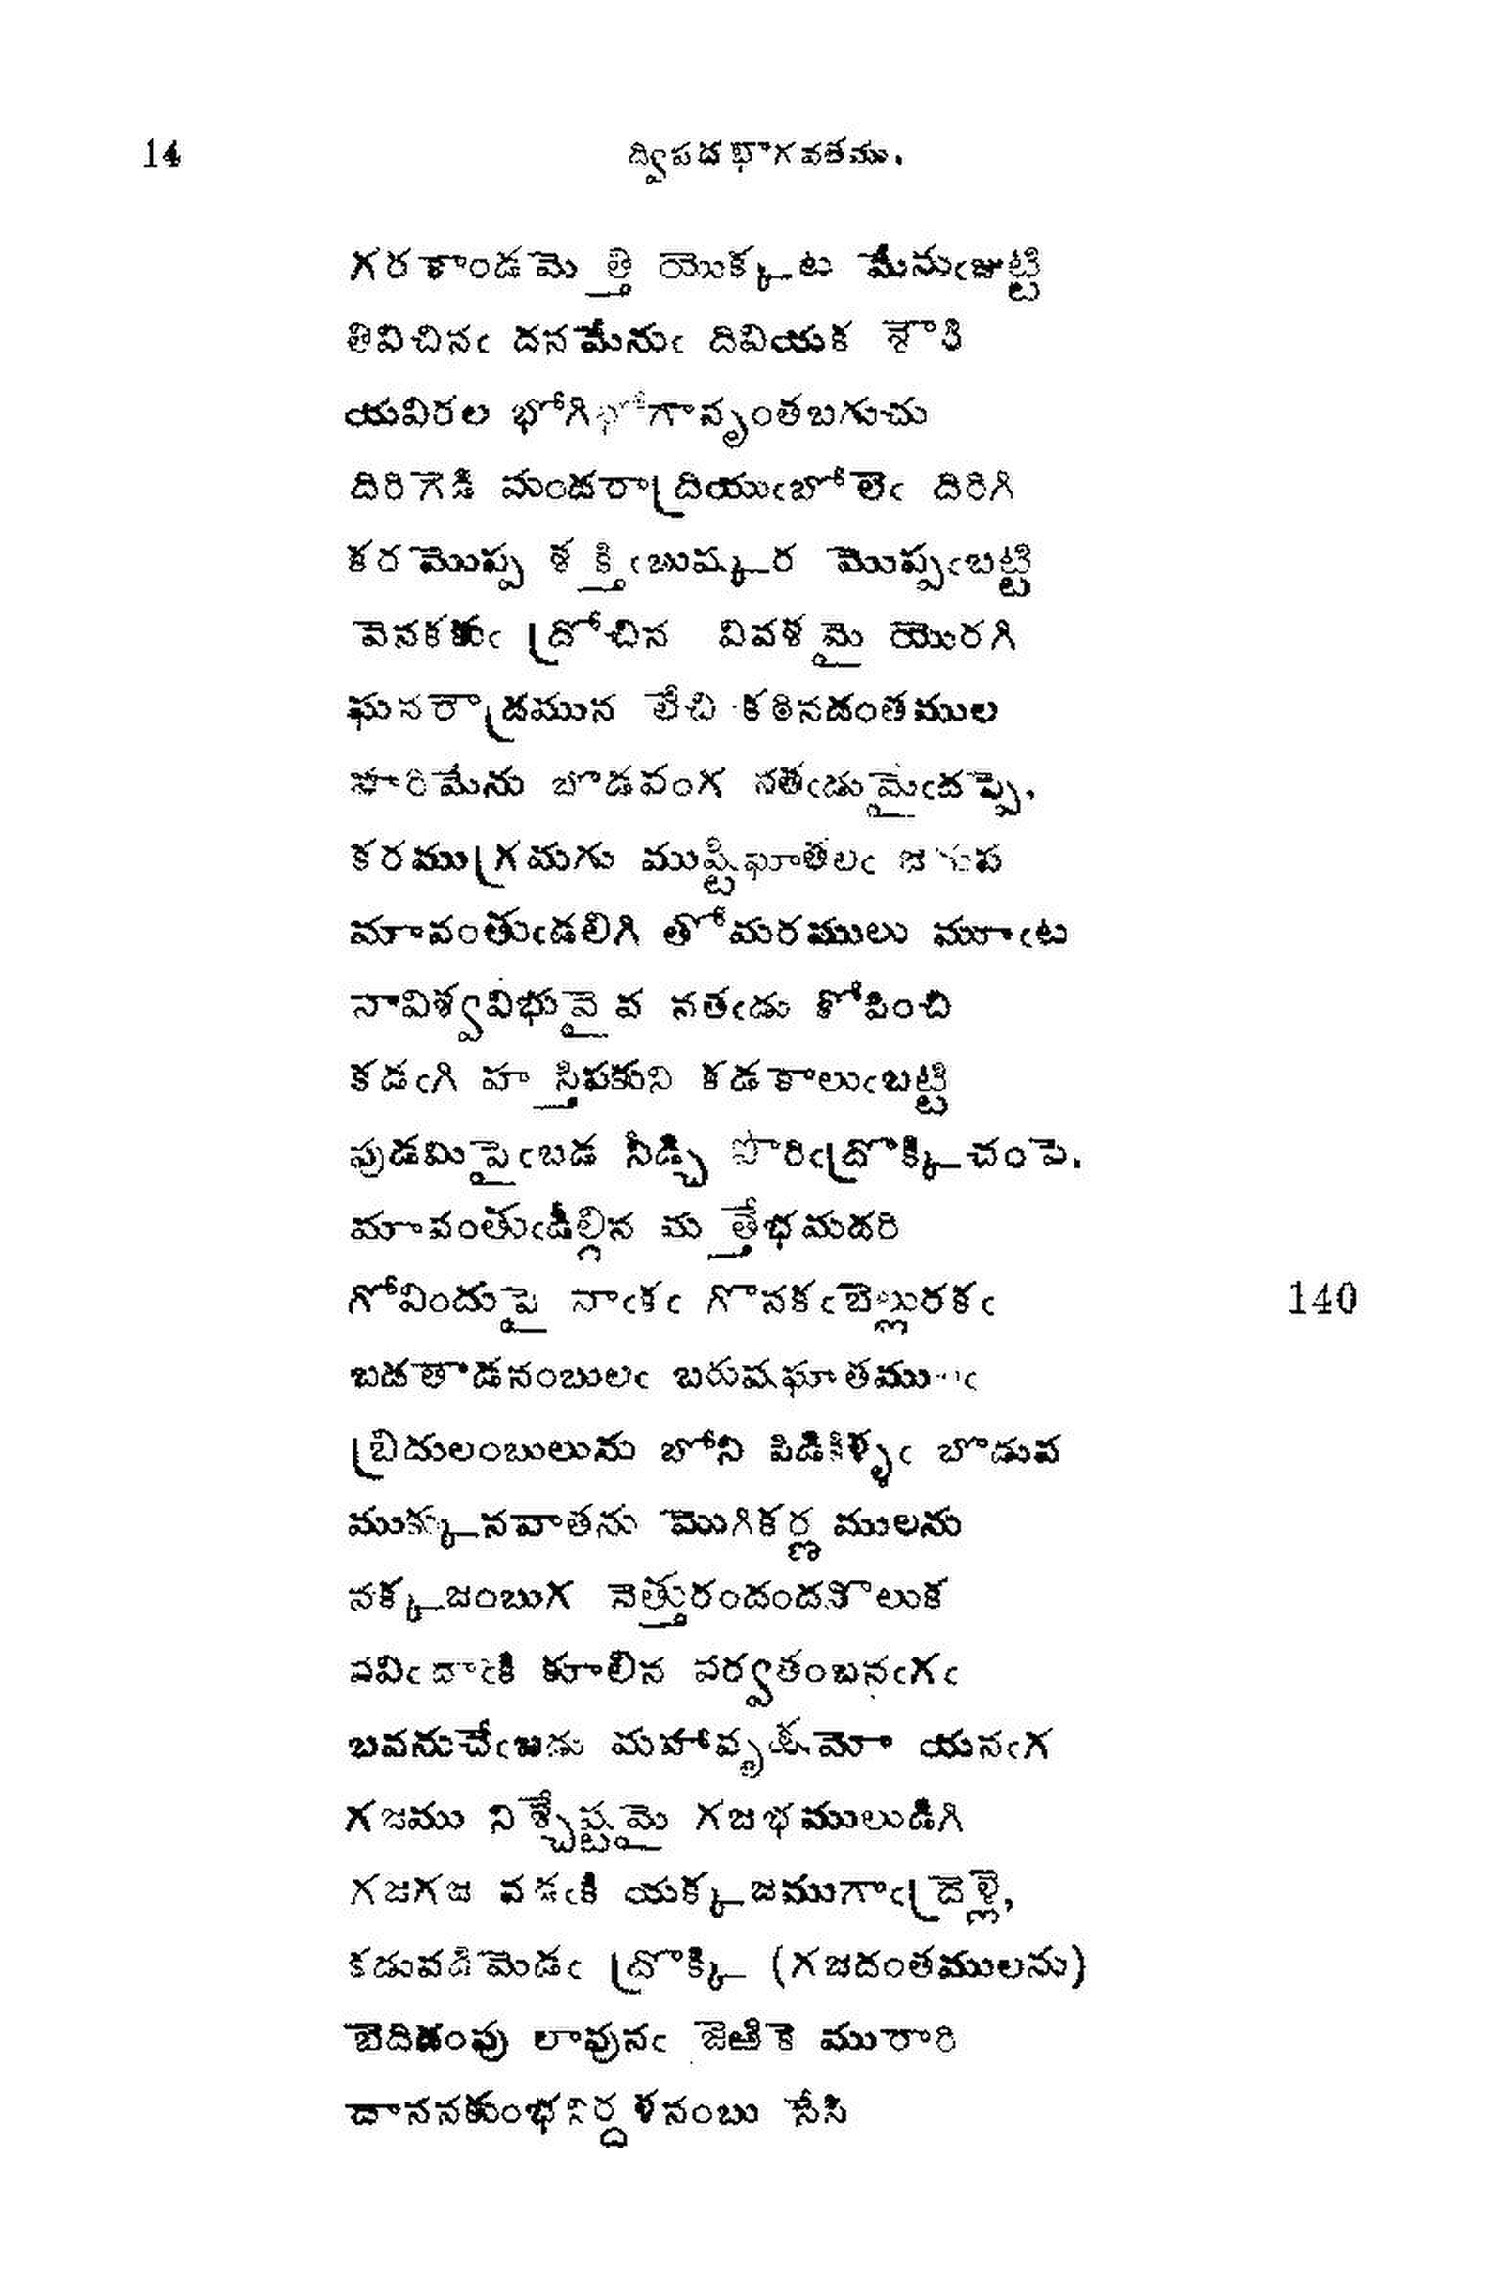గరకాండ మెత్తి యొక్కట మేనుఁజుట్టి
తివిచినఁ దనమేను దివియక శౌరి
యవిరలభోగిభోగావృతం బగుచు
దిరిగెడి మందరాద్రియుఁబోలెఁ దిరిగి
కరమొప్ప శక్తిఁ బుష్కర మొప్పఁబట్టి
వెనకకుఁ ద్రోచిన వివశమై యొరగి
ఘనరౌద్రమున లేచి కఠినదంతముల
హరిమేను బొడవంగ నతఁడు మైఁదప్పె,
కరముగ్రమగు ముష్టిఘాతలఁ జరుప
మావంతుఁ డలిగి తోమరములు మూట
నావిశ్వవిభు వైవ నతఁడు కోపించి
కడఁగి హస్తిపకుని కడకాలుఁబట్టి
పుడమిపైఁ బడ నీడ్చి పొరిఁద్రొక్కి చంపె.
మావంతుఁ డీల్గిన మత్తేభ మడరి
గోవిందుపై నాఁకఁ గొనకఁ బెల్లురకఁ
బదతాడనంబులఁ బరుషఘాతములఁ
బ్రిదులంబులును బోని పిడికిళ్ళఁ బొడువ
ముక్కున వాతను మొగికర్ణములను
నక్కజంబుగ నెత్తు రందంద నొలుక
పవిఁదాకి కూలిన పర్వతం బనఁగఁ
బవనుచేఁబడు మహావృక్షమో యనఁగ
గజము నిశ్చేష్టమై గజభము లుడిగి
గజగజ వడకి యక్కజముగాఁ ద్రెళ్లె,
కడువడి మెడఁ ద్రొక్కి (గజదంతములను)
బెదిదంపు లావునఁ బెఱికె మురారి
దాననకుంభనిర్దళనంబు సేసి